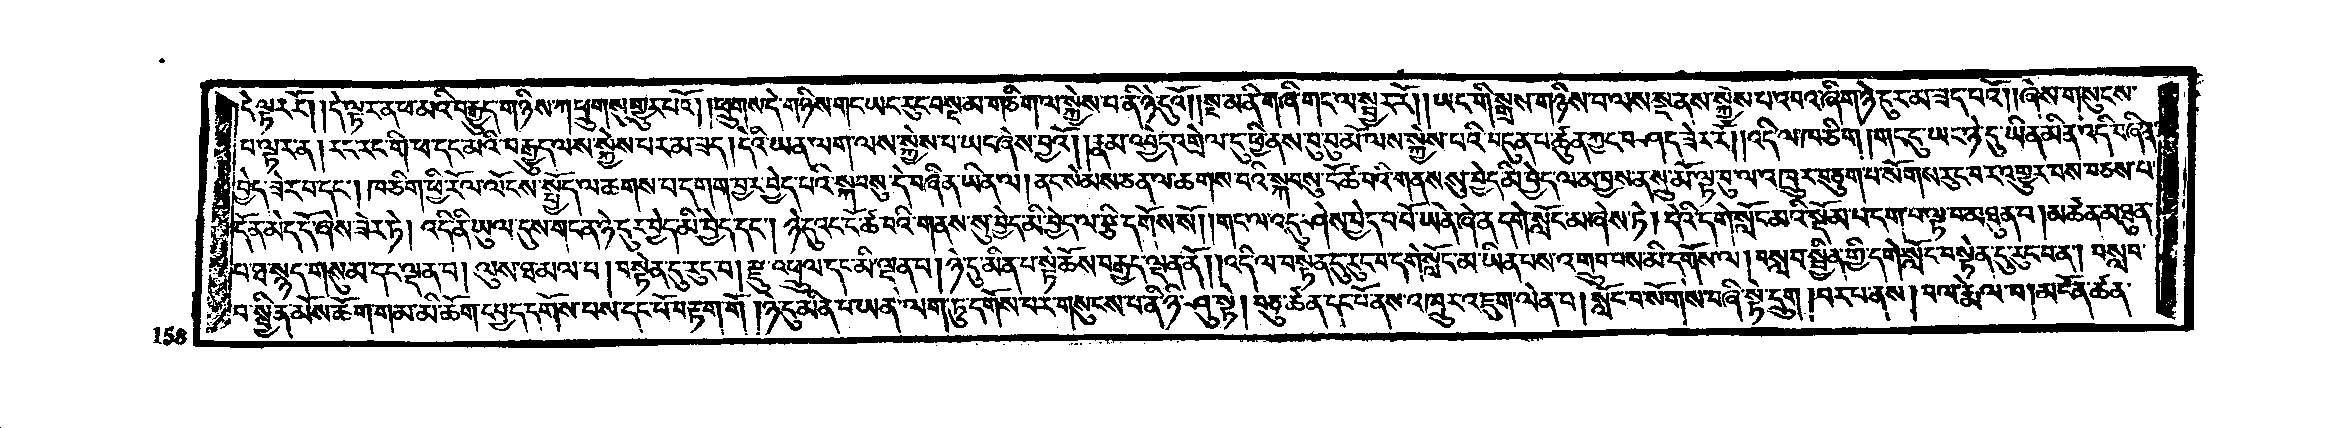དེ་ལྟར་རོ། །དེ་ལྟར་ན་ཕ་མའི་བརྒྱུད་གཉིས་ཀ་ཕྲུགས་སུ་གྱུར་པའོ། །ཕྲུགས་དེ་གཉིས་གང་ཡང་རུང་བ་སྔ་མ་གཅིག་ལ་སྐྱེས་པ་ནི་ཉེ་དུའོ། །སྔ་མ་ནི་གཞི་གང་ལ་སྦྱར་རོ། །ཡང་གི་སྒྲས་གཉིས་པོ་ལས་སྔ་ནས་སྐྱེས་པ་འབའ་ཞིག་ཉེ་དུར་མ་ཟད་པའོ། །ཞེས་གསུངས་
པ་ལྟར་ན། རང་རང་གི་ཕ་དང་མའི་བརྒྱུད་ལས་སྐྱེས་པར་མ་ཟད། དེའི་ཡན་ལག་ལས་སྐྱེས་པ་ཡང་ཞེས་བྱའོ། །རྣམ་འབྱེད་འགྲེལ་དུ་ཕྱི་ནས་བུ་བུ་མེ་ལས་སྐྱེས་པའི་བདུན་པ་ཚུན་ཀྱང་བཤད་ཟེར་རོ། །འདི་ལ་ཁ་ཅིག །གང་དུ་ཡང་ཉེ་དུ་ཡིན་མིན་འདི་བཞིན་
བྱེད་ཟེར་བ་དང་། ཁ་ཅིག་ཕྱི་རོལ་ལོངས་སྤྱོད་ལ་ཆགས་པ་དགག་བྱར་བྱེད་པའི་སྐབས་སུ་དེ་བཞིན་ཡིན་ལ། ནང་སེམས་ཅན་ལ་ཆགས་པའི་སྐབས་སུ་ངོ་ཚ་བའི་གནས་སུ་བྱེད་མི་བྱེད་ལ་མ་བྱས་ན་སྲུ་མོ་ལྟ་བུ་ལ་འཁྲུར་བཅུག་པ་སོགས་རུང་བར་འགྱུར་བས་བཅས་པ་
དོན་མེད་དོ་ཞེས་ཟེར་ཏེ། འདི་ནི་ཡུལ་དུས་གང་ན་ཉེ་དུར་བྱེད་མི་བྱེད་དང་། ཉེ་དུའང་ངོ་ཚ་བའི་གནས་སུ་བྱེད་མི་བྱེད་ལ་རྩི་དགོས་སོ། །གང་ལ་འདུ་ཤེས་བྱེད་པ་པོ་ཡིན་ཞེ་ན་དགེ་སློང་མ་ཞེས་ཏེ། དེའི་དགེ་སློང་མའི་སྡོམ་པ་དག་པ་ལྟ་བ་མཐུན་པ། མཚན་མཐུན་
པ་ཐ་སྙད་གསུམ་དང་ལྡན་པ། ལུས་ཐ་མལ་པ། བསྟེན་དུ་རུང་བ། རྫུ་འཕྲུལ་དང་མི་ལྡན་པ། ཉེ་དུ་མིན་པ་སྟེ་ཆོས་བརྒྱད་ལྡན་ནོ། །འདི་ལ་བསྟེན་དུ་རུང་བ་དགེ་སློང་མ་ཡིན་པས་འགྲུབ་པས་མི་དགོས་ལ། བསླབ་སྦྱིན་གྱི་དགེ་སློང་བསྟེན་དུ་རུང་བ་ན། བསླབ་
པ་སྦྱིན་མོས་ཆོག་གམ་མི་ཆོག་དཔྱད་དགོས་པས་དང་པོ་བརྟག་གོ །ཉེ་དུ་མིན་པ་ཡན་ལག་ཏུ་དགོས་པར་གསུངས་པ་ནི་ཉི་ཤུ་སྟེ། བཅུ་ཚན་དང་པོ་ནས་འཁྲུར་འཇུག་ལེན་པ། སློང་བ་སོགས་བཞི་སྟེ་དྲུག །བར་པ་ནས། བལ་རྨེལ་བ། མངོན་ཚན་